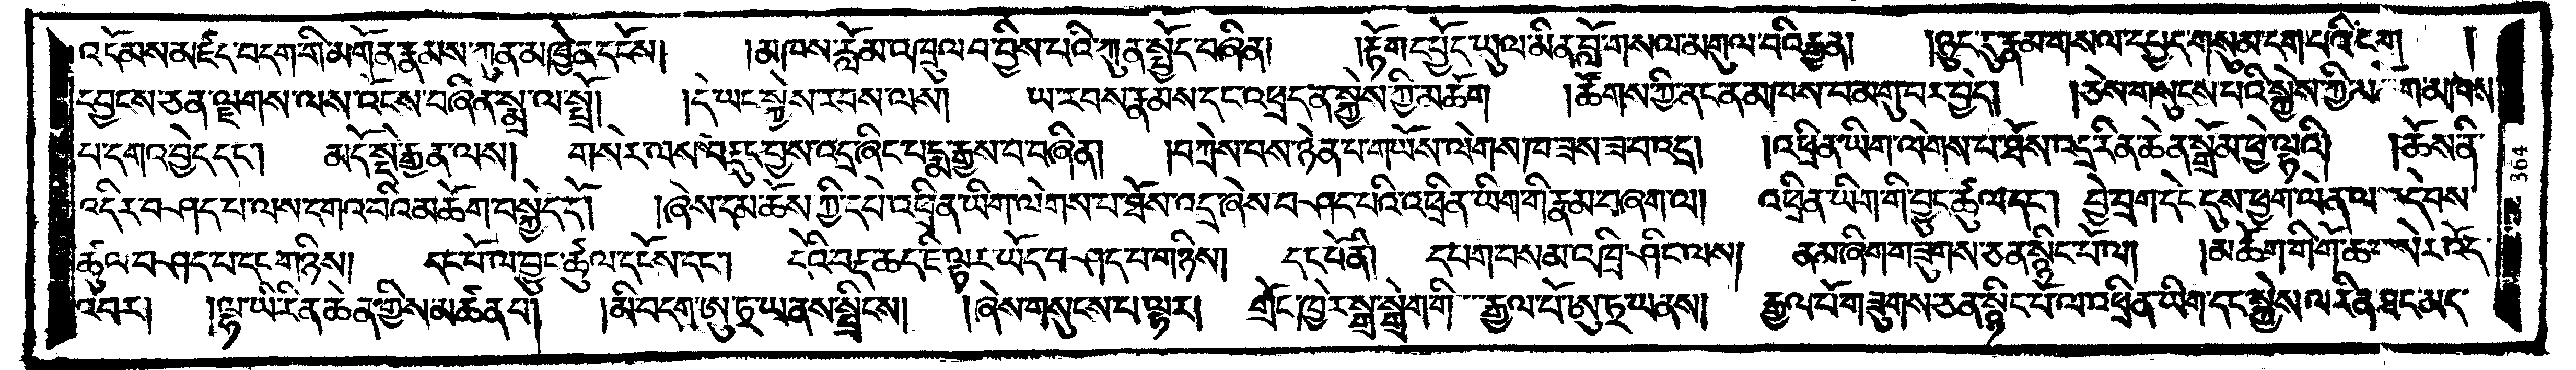འདོམས་མཛད་བདག་གི་མགོན་རྣམས་ཀུན་མཁྱེན་དངོས། །མཁས་རློམ་འཁྲུལ་བ་བྱིས་པའི་ཀུན་སྤྱོད་བཞིན། །རྟོག་དཔྱོད་ཡུལ་མིན་བློ་གསལ་མགུལ་བའི་རྒྱན་།ཉུང་དུ་རྣམ་གསལ་དཔྱད་གསུམ་དག་པའི་དག།
དབྱངས་ཅན་ལྗགས་ལས་འོངས་བཞིན་སྨྲ་ལ་སྤྲོ། །དེ་ཡང་སྐྱེས་རབས་ལས། ཡ་རབས་རྣམས་དང་འཕྲད་ན་སྐྱེས་ཀྱི་མཆོག །ཚོགས་ཀྱི་ནང་ན་མཁས་བ་མགུ་བར་བྱེད། །ཅེས་གསུངས་པའི་སྐྱེས་ཀྱི་མཆོག?་མཁས་
པ་དགའ་བྱེད་དང་། །མདོ་སྡེ་རྒྱན་ལས། གསེར་ལས་བརྡུང་བྱད་འདྲ་ཞིང་པདམ་རྒྱས་པ་བཞིན། །བཀྲེས་བས་ཉེན་པ་གཡོས་ལེགས་ཁ་ཟས་ཟབ་འདྲ། །འཕྲིན་ཡིག་ལེགས་པ་ཐོས་འདྲ་རིན་ཆེན་སྒྲོམ་ཕྱེ་ལྷའི། །ཆོས་ནི་
འདིར་བཤད་པ་ལས་དགའ་བའི་མཆོག་བསྐྱེད་དོ། །ཞེས་དམ་ཆོས་ཀྱི་དཔེ་འཕྲིན་ཡིག་ལེགས་པ་ཐོས་འདྲ་ཞེས་བཤད་པའི་འཕྲིན་ཡིག་གི་རྣམ་བཞག་ལ། འཕྲིན་ཡིག་གི་བྱུང་ཚུལ་དང་། བྱེ་བྲག་དེང་དུས་ཕྱག་ལེན་ལ་འདེབས་
ཚུལ་བཤད་པ་དང་གཉིས། དང་པོ་ལ་བྱུང་ཚུལ་དངོས་དང་། དེའི་བརྡ་ཆད་ཇི་ལྟར་ཡོད་བཤད་པ་གཉིས། དང་པོ་ནི། དཔག་བསམ་འཁྲི་ཤིང་ལས། ནམ་ཞིག་གཟུགས་ཅན་སྙིང་པོ་ལ། །མཆོག་གི་གོ་ཆར་སེར་འོད་
འབར། །ལྷ་ཡི་རིན་ཆེན་གྱིས་མཚན་པ། །མི་བདག་ཨུ་ཏྲ་ཡ་ནས་སྦྲིངས། །ཞེས་གསུངས་པ་ལྟར། གྲོང་ཁྱེར་སྒྲ་སྒྲེག་གི་རྒྱལ་པོ་ཨུ་ཏྲ་ཡ་ནས། རྒྱལ་པོ་གཟུགས་ཅན་སྙིང་པོ་ལ་འཕྲིན་ཡིག་དང་སྐྱེས་ལ་རིན་ཐང་མད་